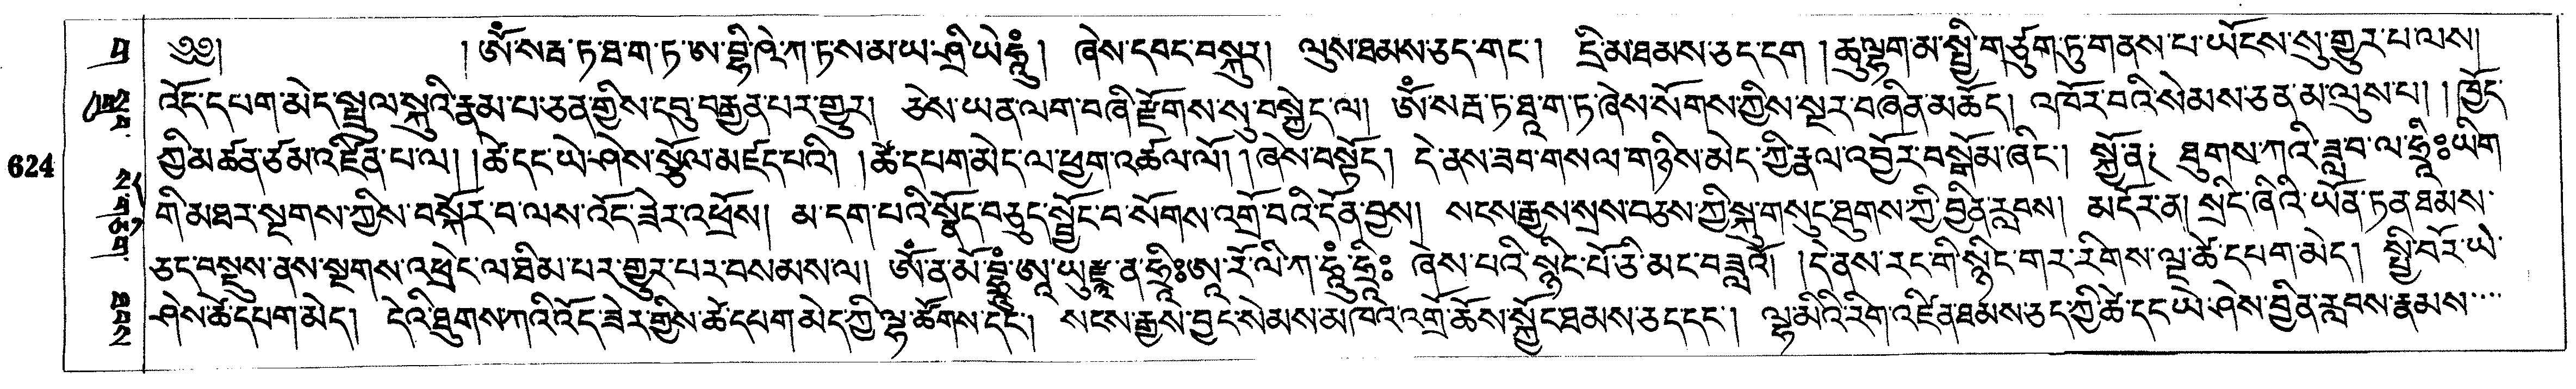༄༅། །ཨོཾ་སརྦ་ཏ་ཐ་ག་ཏ་ཨ་བྷི་ཥེ་ཀ་ཏ་ས་མ་ཡ་ཤྲི་ཡེ་ཧཱུཾ། ཞེས་དབང་བསྐུར། ལུས་ཐམས་ཅད་གང་། དྲི་མ་ཐམས་ཅད་དག །ཆུ་ལྷག་མ་སྤྱི་གཙུག་ཏུ་གནས་པ་ཡོངས་སུ་གྱུར་པ་ལས།
འོད་དཔག་མེད་སྤྲུལ་སྐུའི་རྣམ་པ་ཅན་གྱིས་དབུ་བརྒྱན་པར་གྱུར། ཅེས་ཡན་ལག་བཞི་རྫོགས་སུ་བསྐྱེད་ལ། ཨོཾ་སརྦ་ཏ་ཐཱ་ག་ཏ་ཞེས་སོགས་ཀྱིས་སྔར་བཞིན་མཆོད། འཁོར་བའི་སེམས་ཅན་མ་ལུས་པ། །ཁྱོད་
ཀྱི་མཚན་ཙམ་འཛིན་པ་ལ། །ཚེ་དང་ཡེ་ཤེས་སྩོལ་མཛད་པའི། །ཚེ་དཔག་མེད་ལ་ཕྱག་འཚལ་ལོ། །ཞེས་བསྟོད། དེ་ནས་ཟབ་གསལ་གཉིས་མེད་ཀྱི་རྣལ་འབྱོར་བསྒོམ་ཞིང་། སྐྱོ་ན༑ ཐུགས་ཀའི་ཟླ་བ་ལ་ཧྲཱིཿ ཡིག་
གི་མཐར་སྔགས་ཀྱིས་བསྐོར་བ་ལས་འོད་ཟེར་འཕྲོས། མ་དག་པའི་སྣོད་བཅུད་སྦྱོང་བ་སོགས་འགྲོ་བའི་དོན་བྱས། སངས་རྒྱས་སྲས་བཅས་ཀྱི་སྐུ་གསུང་ཐུགས་ཀྱི་བྱིན་རླབས། མདོར་ན། སྲིད་ཞིའི་ཡོན་ཏན་ཐམས་
ཅད་བསྡུས་ནས་སྔགས་འཕྲེང་ལ་ཐིམ་པར་གྱུར་པར་བསམས་ལ། ཨོཾ་ན་མོ་བྷྲཱུཾ་ཨཱ་ཡུརྫྙ་ན་ཧྲཱིཿ ཨཱ་རོ་ལི་ཀ་ཧཱུཾ་ཧྲཱིཿ ཞེས་པའི་སྙིང་པོ་ཅི་མང་བཟླའོ། །དེ་ནས་རང་གི་སྙིང་གར་རིགས་ལྔ་ཚེ་དཔག་མེད། སྤྱི་བོར་ཡེ་
ཤེས་ཚེ་དཔག་མེད། དེའི་ཐུགས་ཀའི་འོད་ཟེར་གྱིས་ཚེ་དཔག་མེད་ཀྱི་ལྷ་ཚོགས་དང་། སངས་རྒྱས་བྱང་སེམས་མཁའ་འགྲོ་ཆོས་སྐྱོང་ཐམས་ཅད་དང་། ལྷ་མིའི་རིག་འཛིན་ཐམས་ཅད་ཀྱི་ཚེ་དང་ཡེ་ཤེས་བྱིན་རླབས་རྣམས་